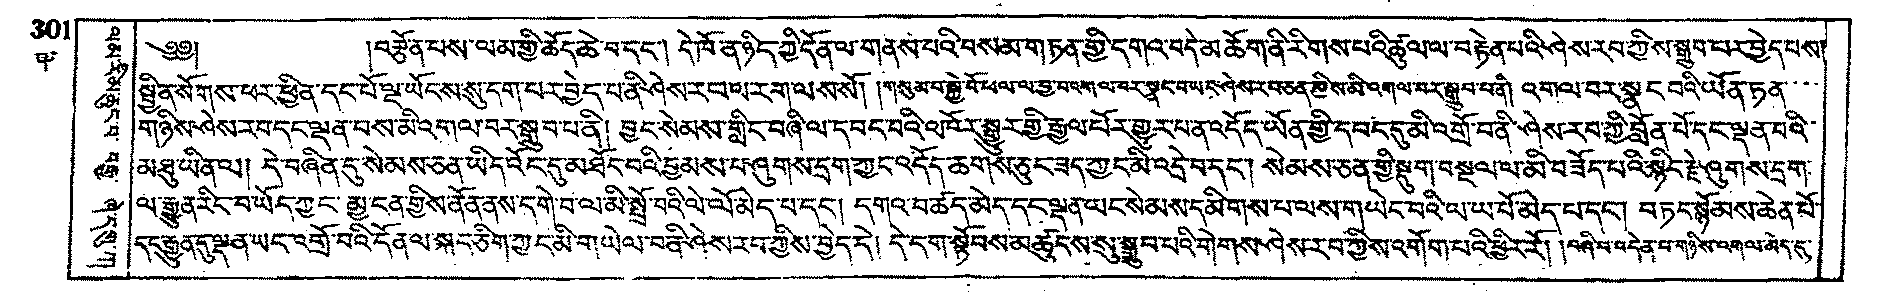༄༅། །བརྩོན་པས་ལམ་གྱི་ཆོད་ཆེ་བ་དང་། དེ་ཁོ་ན་ཉིད་ཀྱི་དོན་ལ་གནས་པའི་བསམ་གཏན་གྱི་དགའ་བདེ་མཆོག་ནི་རིགས་པའི་ཚུལ་ལ་བརྟེན་པའི་ཤེས་རབ་ཀྱིས་སྒྲུབ་པར་བྱེད་པས་
སྦྱིན་སོགས་ཕར་ཕྱིན་དང་པོ་ལྔ་ཡོངས་སུ་དག་པར་བྱེད་པ་ནི་ཤེས་རབ་ལ་རག་ལས་སོ། །གསུམ་པ་སྐྱེ་བོ་ཕལ་ལ་བྱ་བ་འགལ་བར་སྣང་བ་ཡང་ཤེས་རབ་ཅན་གྱིས་མི་འགལ་བར་སྒྲུབ་པ་ནི།  འགལ་བར་སྣང་བའི་ཡོན་ཏན་
གཉིས་ཤེས་རབ་དང་ལྡན་པས་མི་འགལ་བར་སྒྲུབ་པ་ནི། བྱང་སེམས་གླིང་བཞི་ལ་དབང་བའི་འཁོར་སྒྱུར་གྱི་རྒྱལ་པོར་གྱུར་པ་ན་འདོད་ཡོན་གྱི་དབང་དུ་མི་འགྲོ་བ་ནི་ཤེས་རབ་ཀྱི་བློན་པོ་དང་ལྡན་བའི་
མཐུ་ཡིན་ལ། དེ་བཞིན་དུ་སེམས་ཅན་ཡིད་འོང་དུ་མཐོང་བའི་བྱམས་པ་ཤུགས་དྲག་ཀྱང་འདོད་ཆགས་ཅུང་ཟད་ཀྱང་མི་འདྲེ་བ་དང་། སེམས་ཅན་གྱི་སྡུག་བསྔལ་ལ་མི་བཟོད་པའི་སྙིང་རྗེ་ཤུགས་དྲག་
ལ་རྒྱུན་རིང་བ་ཡོད་ཀྱང་མྱ་ངན་གྱིས་ནོན་ནས་དགེ་བ་ལ་མི་སྤྲོ་བའི་ལེ་ལོ་མེད་པ་དང་། དགའ་བ་ཚད་མེད་དང་ལྡན་ཡང་སེམས་དམིགས་པ་ལས་གཡེང་བའི་ཡ་ཡ་པོ་མེད་པ་དང་། བཏང་སྙོམས་ཆེན་པོ་
དང་རྒྱུན་དུ་ལྡན་ཡང་འགྲོ་བའི་དོན་ལ་སྐད་ཅིག་ཀྱང་མི་གཡེལ་བ་ནི་ཤེས་རབ་ཀྱིས་བྱེད་དེ། དེ་དག་སྟོབས་མཚུངས་སུ་སྒྲུབ་པའི་གེགས་ཤེས་རབ་ཀྱིས་འགོག་པའི་ཕྱིར་རོ། །བཞི་པ་བདེན་པ་གཉིས་འགལ་མེད་དུ་